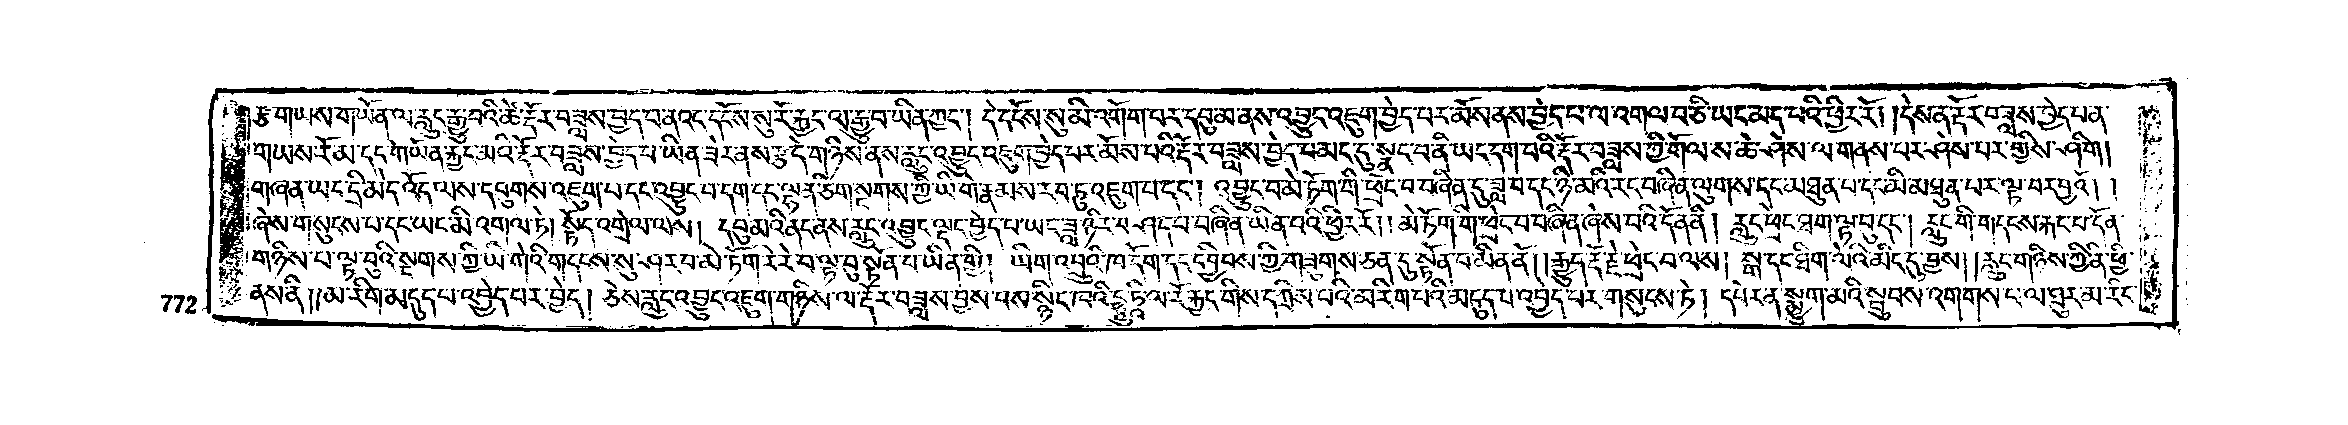རྩ་གཡས་གཡོན་ལ་རླུང་རྒྱུ་བའི་ཚེ་རྡོར་བཟླས་བྱེད་པ་ནའང་དངོས་སུ་རོ་རྐྱང་ལ་རྒྱུ་བ་ཡིན་ཀྱང་། དེ་དངོས་སུ་མི་འགོག་པར་དབུ་མ་ནས་འབྱུང་འཇུག་བྱེད་པར་མོས་ནས་བྱེད་པ་ལ་འགལ་བ་ཅི་ཡང་མེད་པའི་ཕྱིར་རོ། །དེས་ན་རྡོར་བཟླས་བྱེད་པ་ན་
གཡས་རོ་མ་དང་གཡོན་རྐྱང་མའི་རྡོར་བཟླས་བྱེད་པ་ཡིན་ཟེར་ནས་རྩ་དེ་གཉིས་ནས་རླུང་འབྱུང་འཇུག་བྱེད་པར་མོས་པའི་རྡོར་བཟླས་བྱེད་པ་མང་དུ་སྣང་བ་ནི་ཡང་དག་པའི་རྡོར་བཟླས་ཀྱི་གོལ་ས་ཆེ་ཤེས་ལ་གནས་པར་ཤེས་པར་གྱིས་ཤིག།
གཞན་ཡང་དྲི་མེད་འོད་ལས་དབུགས་འཇུག་པ་དང་འབྱུང་བ་དག་དང་ལྷན་ཅིག་སྔགས་ཀྱི་ཡི་གེ་རྣམས་རབ་ཏུ་འཇུག་པ་དང་། འབྱུང་བ་མེ་ཏོག་གི་ཕྲེང་བ་བཞིན་དུ་ཟླ་བ་དང་ཉི་མའི་རང་བཞིན་ལུགས་དང་མཐུན་པ་དང་མི་མཐུན་པ་བལྟ་བར་བྱའོ། །
ཞེས་གསུངས་པ་དང་ཡང་མི་འགལ་ཏེ། སྟོད་འགྲེལ་ལས། དབུ་མའི་ནང་ནས་རླུང་འབྱུང་ལྡང་བྱེད་པ་ཡང་ཟླ་ཉིར་བཤད་པ་བཞིན་ཡིན་པའི་ཕྱིར་རོ། །མེ་ཏོག་གི་ཕྲེང་བ་བཞིན་ཞེས་པའི་དོན་ནི། རླུང་ཕྲེང་ཐག་ལྟ་བུ་དང་། རླུང་གི་གདངས་རྐང་པ་དོན་
གཉིས་པ་ལྟ་བུའི་སྔགས་ཀྱི་ཡི་གེའི་གདངས་སུ་ཤར་བ་མེ་ཏོག་རེ་རེ་བ་ལྟ་བུ་སྟོན་པ་ཡིན་གྱི། ཡིག་འབྲུའི་ཁ་དོག་དང་དབྱིབས་ཀྱི་གཟུགས་ཅན་དུ་སྟོན་པ་མིན་ནོ། །རྒྱུད་རྡོ་རྗེ་ཕྲེང་བ་ལས། སྒྲ་དང་ཐིག་ལེའི་མིང་དུ་བྱས། །རླུང་གཉིས་ཀྱི་ནི་ཕྱི་
ནས་ནི། །མ་རིག་མདུད་པ་འབྱེད་པར་བྱེད། ཅེས་རླུང་འབྱུང་འཇུག་གཉིས་ལ་རྡོར་བཟླས་བྱས་པས་སྙིང་ཁའི་དྷཱུ་ཏཱི་ལ་རོ་རྐྱང་གིས་དཀྲིས་པའི་མ་རིག་པའི་མདུད་པ་འབྱེད་པར་གསུངས་ཏེ། དཔེར་ན་སྨྱུག་མའི་སྦུབས་འགགས་པ་ལ་ཐུར་མ་རིང་